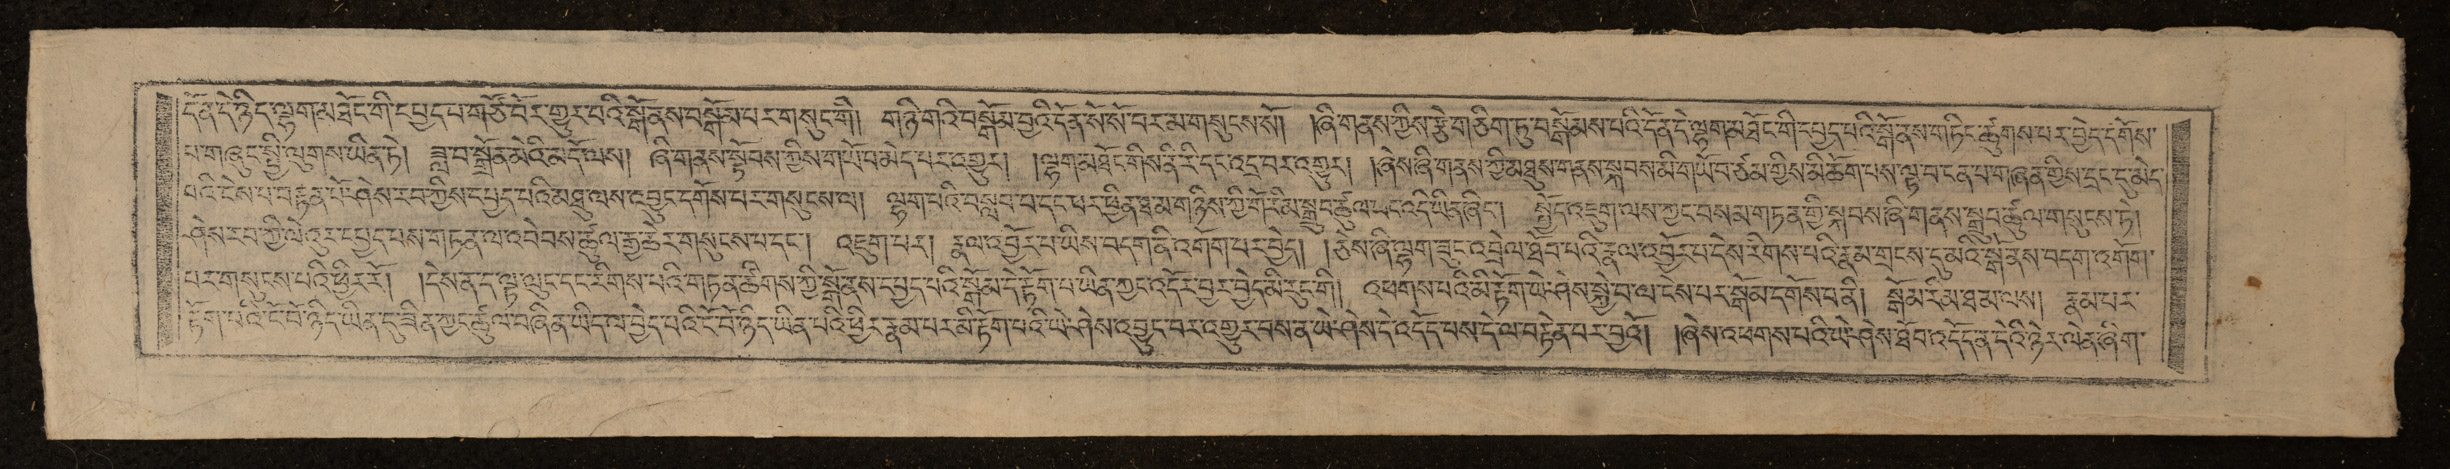དོན་དེ་ཉིད་ལྷག་མཐོང་གི་དཔྱད་པ་གཙོ་བོར་གྱུར་བའི་སྒོ་ནས་བསྒོམ་པར་གསུང་གི། གཉི་གའི་བསྒོམ་བྱའི་དོན་སོ་སོ་བར་མ་གསུངས་སོ། །ཞིག་ནས་ཀྱིས་རྩེ་གཅིག་ཏུ་བསྒོམས་པའི་དོན་དེ་ལྷག་མཐོང་གི་དཔྱོད་པའི་སྒོ་ནས་གཏིང་ཚུགས་པར་བྱེད་དགོས་
བ་གཞུང་སྤྱི་ལུགས་ཡིན་ཏེ། ཟླ་བ་སྒྲོན་མེའི་མདོ་ལས། ཞི་གནས་སྟོབས་ཀྱིས་གཡོ་བ་མེད་བར་འགྱུར། །ལྷག་མཐོང་གིས་ནི་རི་དང་འདྲ་བར་འགྱུར། །ཞེས་ཞི་གནས་ཀྱི་མཐུས་གནས་སྐབས་མི་གཡོ་བ་ཙམ་གྱིས་མི་ཆོག་བས་ལྟ་བ་ངན་པ་གཞན་གྱིས་དྲང་དུ་མེད་
པའི་ངེས་པ་བརྟན་པོ་ཤེས་རབ་ཀྱིས་དཔྱད་པའི་མཐུ་ལས་འབྱུང་དགོས་བར་གསུངས་ལ། ལྷག་བའི་བསླབ་པ་དང་ཕར་ཕྱིན་ཐ་མ་གཉིས་ཀྱི་གོ་རིམ་སྒྲུབ་ཚུལ་ཡང་འདི་ཡིན་ཞིང་། སྦྱོང་འཇུག་ལས་ཀྱང་བསམ་གཏན་གྱི་སྐབས་ཞི་གནས་སྒྲུབ་ཚུལ་གསུངས་ཏེ།
ཤེས་རབ་ཀྱི་ལེའུར་དཔྱད་པས་གཏན་ལ་འདེབས་ཚུལ་རྒྱ་ཆེར་གསུངས་པ་དང་། འཇུག་པར། རྣལ་འབྱོར་པ་ཡིས་བདག་ནི་འགོག་བར་བྱེད། །ཅེས་ཞི་ལྷ་གཟུང་འབྲེལ་ཐོབ་པའི་རྣལ་འབྱོར་བ་དེས་རིགས་པའི་རྣམ་གྲངས་དུ་མའི་སྒོ་ནས་བདག་འགོག་
པར་གསུངས་པའི་ཕྱིར་རོ། །དེས་ནད་ལྟ་ལུང་དང་རིངས་པའི་གཏན་ཚིགས་ཀྱི་སྒོ་ནས་དཔྱད་པའི་སྒོམ་དེ་རྟོག་པ་ཡིན་ཀྱང་འདོར་བྱར་བྱེད་མི་རུང་གི། འཕགས་པའི་མི་རྟོག་ཡེ་ཤེས་སྐྱེ་བ་ལ་ངེས་པར་སྒོམ་དགོས་པ་ནི། སྒོམ་རིམ་ཐ་མ་ལས། རྣམ་པར་
རྟོག་པའི་ངོ་བོ་ཉིད་ཡིན་དུ་ཟིན་ཀྱང་ཚུལ་བཞིན་ཡིད་ལ་བྱེད་པའི་ངོ་བོ་ཉིད་ཡིན་པའི་ཕྱིར་རྣམ་པར་མི་རྟོག་པའི་ཡེ་ཤེས་འབྱུང་བར་འགྱུར་བས་ན་སེ་ཤེས་དེ་འདོད་པས་དེ་ལ་བརྟེན་པར་བྱའོ། །ཞེས་འཕགས་པའི་ཡེ་ཤེས་ཐོབ་འདོད་ན་དེའི་ཉེར་ལེན་ཞིག་